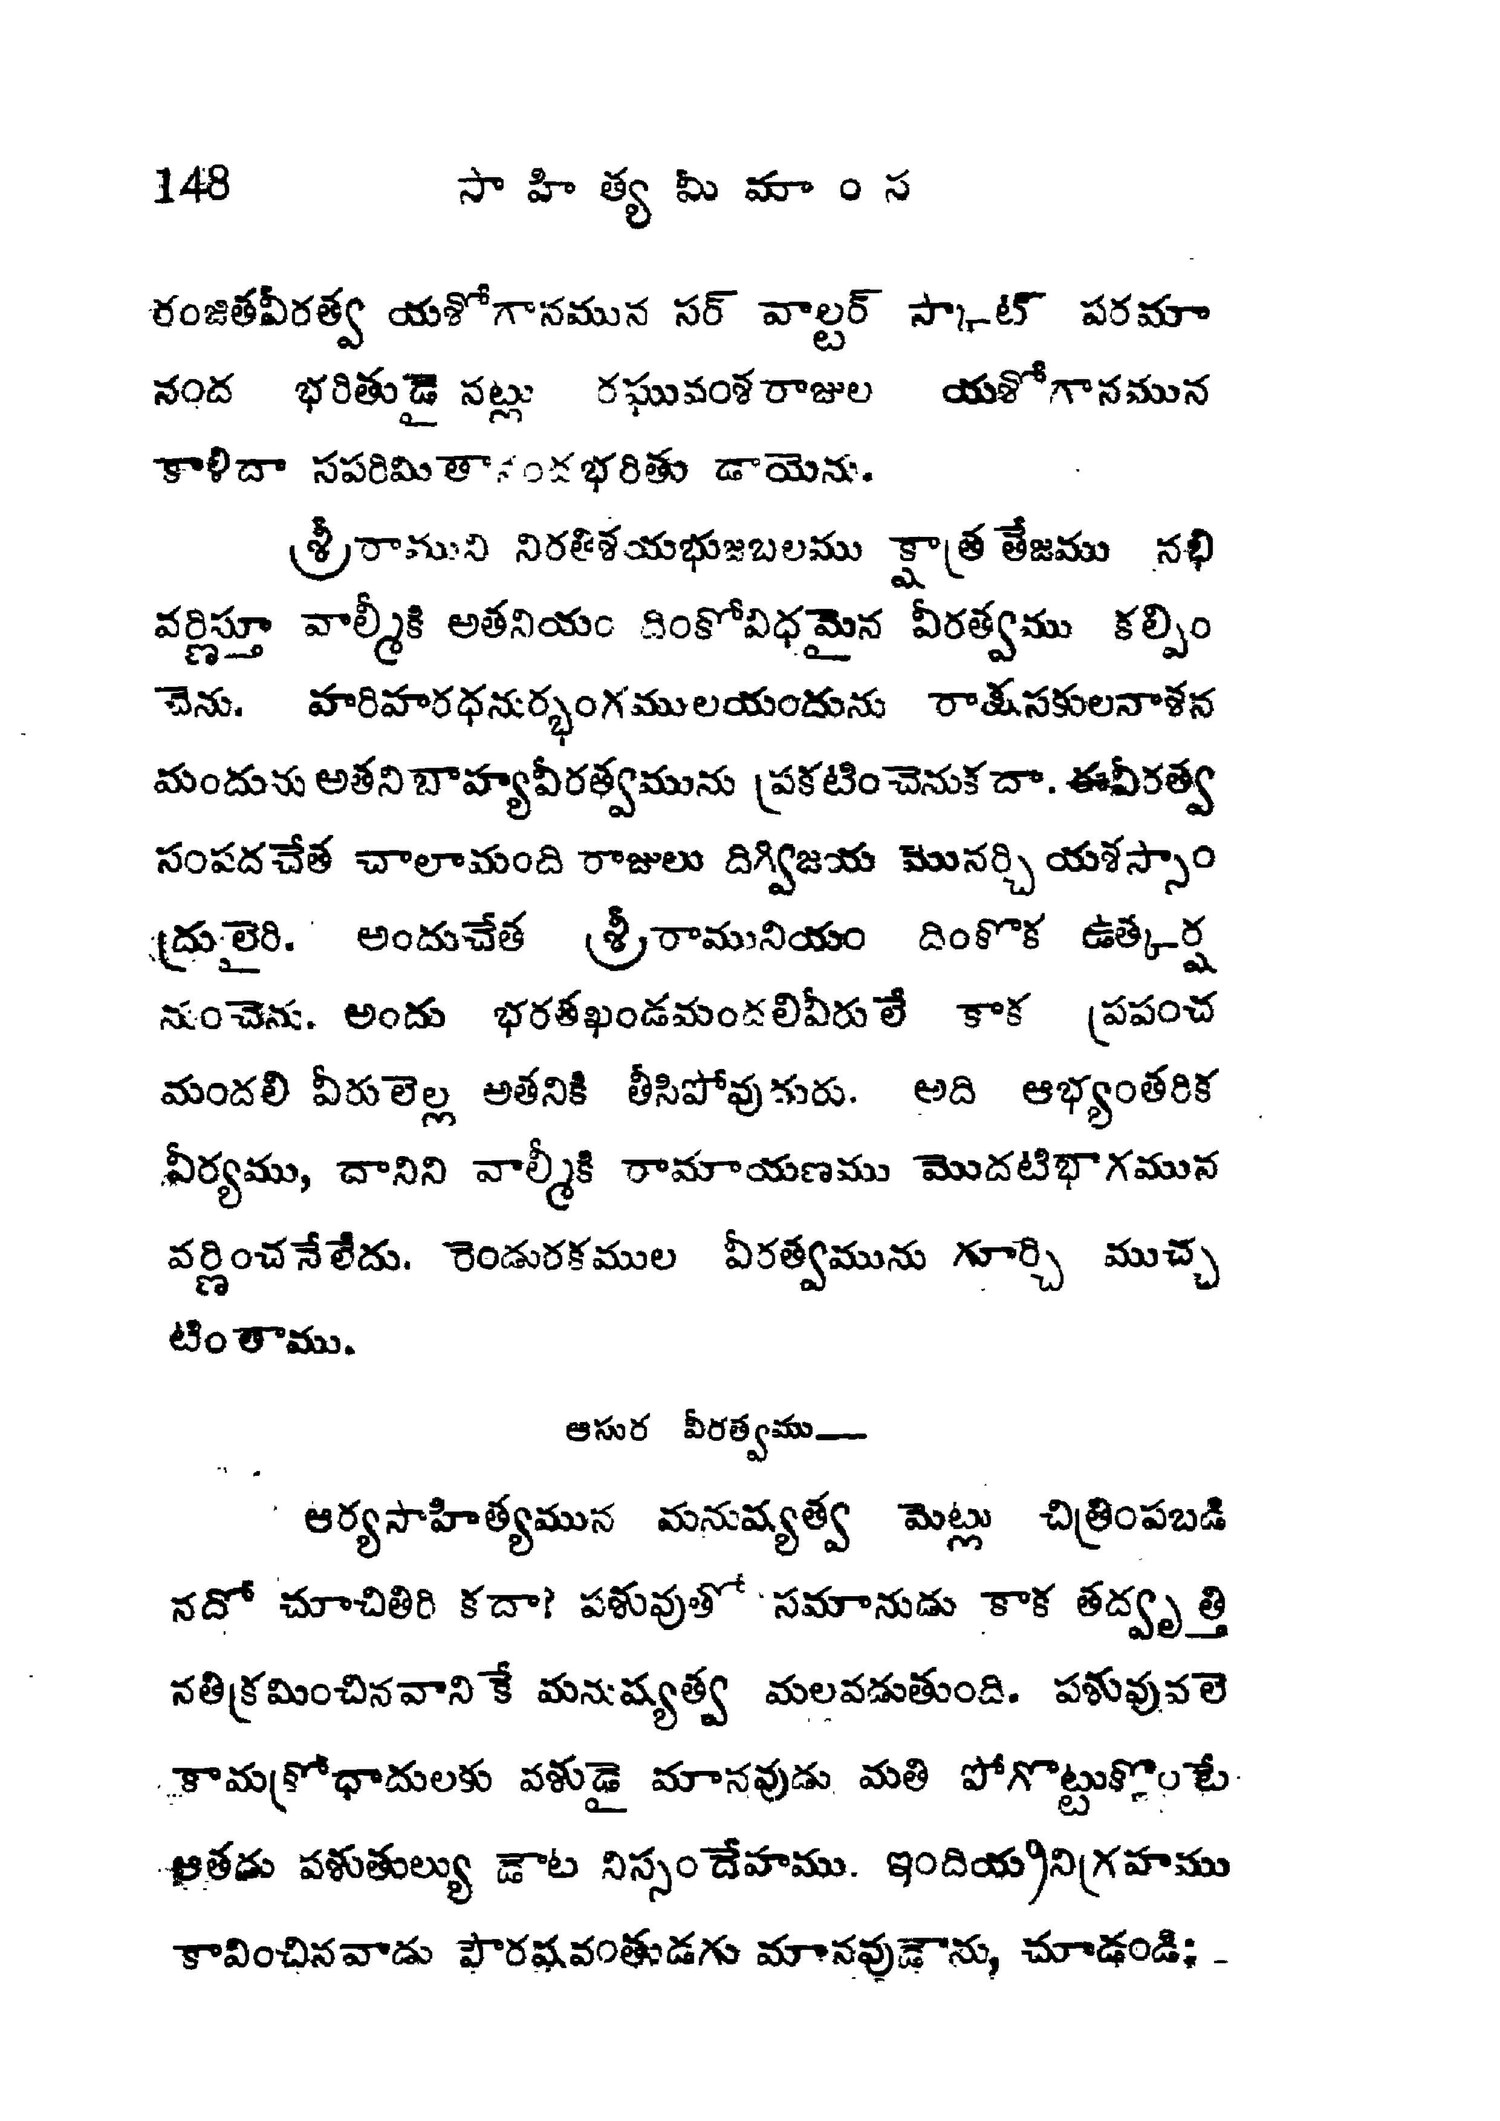రంజితవీరత్వ యశోగానమున సర్ వాల్టర్ స్కాట్ పరమానంద భరితుడై నట్లు రఘువంశరాజుల యశోగానమున కాళిదా సపరిమితానందభరితు డాయెను.

శ్రీరాముని నిరతిశయభుజబలము క్షాత్రతేజము నభివర్ణిస్తూ వాల్మీకి అతనియం దింకోవిధమైన వీరత్వము కల్పించెను. హరిహరధనుర్భంగములయందును రాక్షసకులనాశన మందును అతని బాహ్యవీరత్వమును ప్రకటించెనుకదా. ఈవీరత్వ సంపదచేత చాలామంది రాజులు దిగ్విజయ మొనర్చి యశస్సాంద్రులైరి. అందుచేత శ్రీరామునియం దింకొక ఉత్కర్ష నుంచెను. అందు భరతఖండమందలివీరులే కాక ప్రపంచమందలి వీరులెల్ల అతనికి తీసిపోవుదురు. అది అభ్యంతరిక వీర్యము, దానిని వాల్మీకి రామాయణము మొదటిభాగమున వర్ణించనేలేదు. రెండురకముల వీరత్వమును గూర్చి ముచ్చటింతాము.

ఆర్యసాహిత్యమున మనుష్యత్వ మెట్లు చిత్రింపబడినదో చూచితిరి కదా ? పశువుతో సమానుడు కాక తద్వృత్తి నతిక్రమించినవానికే మనుష్యత్వ మలవడుతుంది. పశువువలె కామక్రోధాదులకు వశుడై మానవుడు మతి పోగొట్టుకొంటే ఆతడు పశుతుల్యు డౌట నిస్సందేహము. ఇంద్రియనిగ్రహము కావించినవాడు పౌరషవంతుడగు మానవుడౌను, చూడండి;